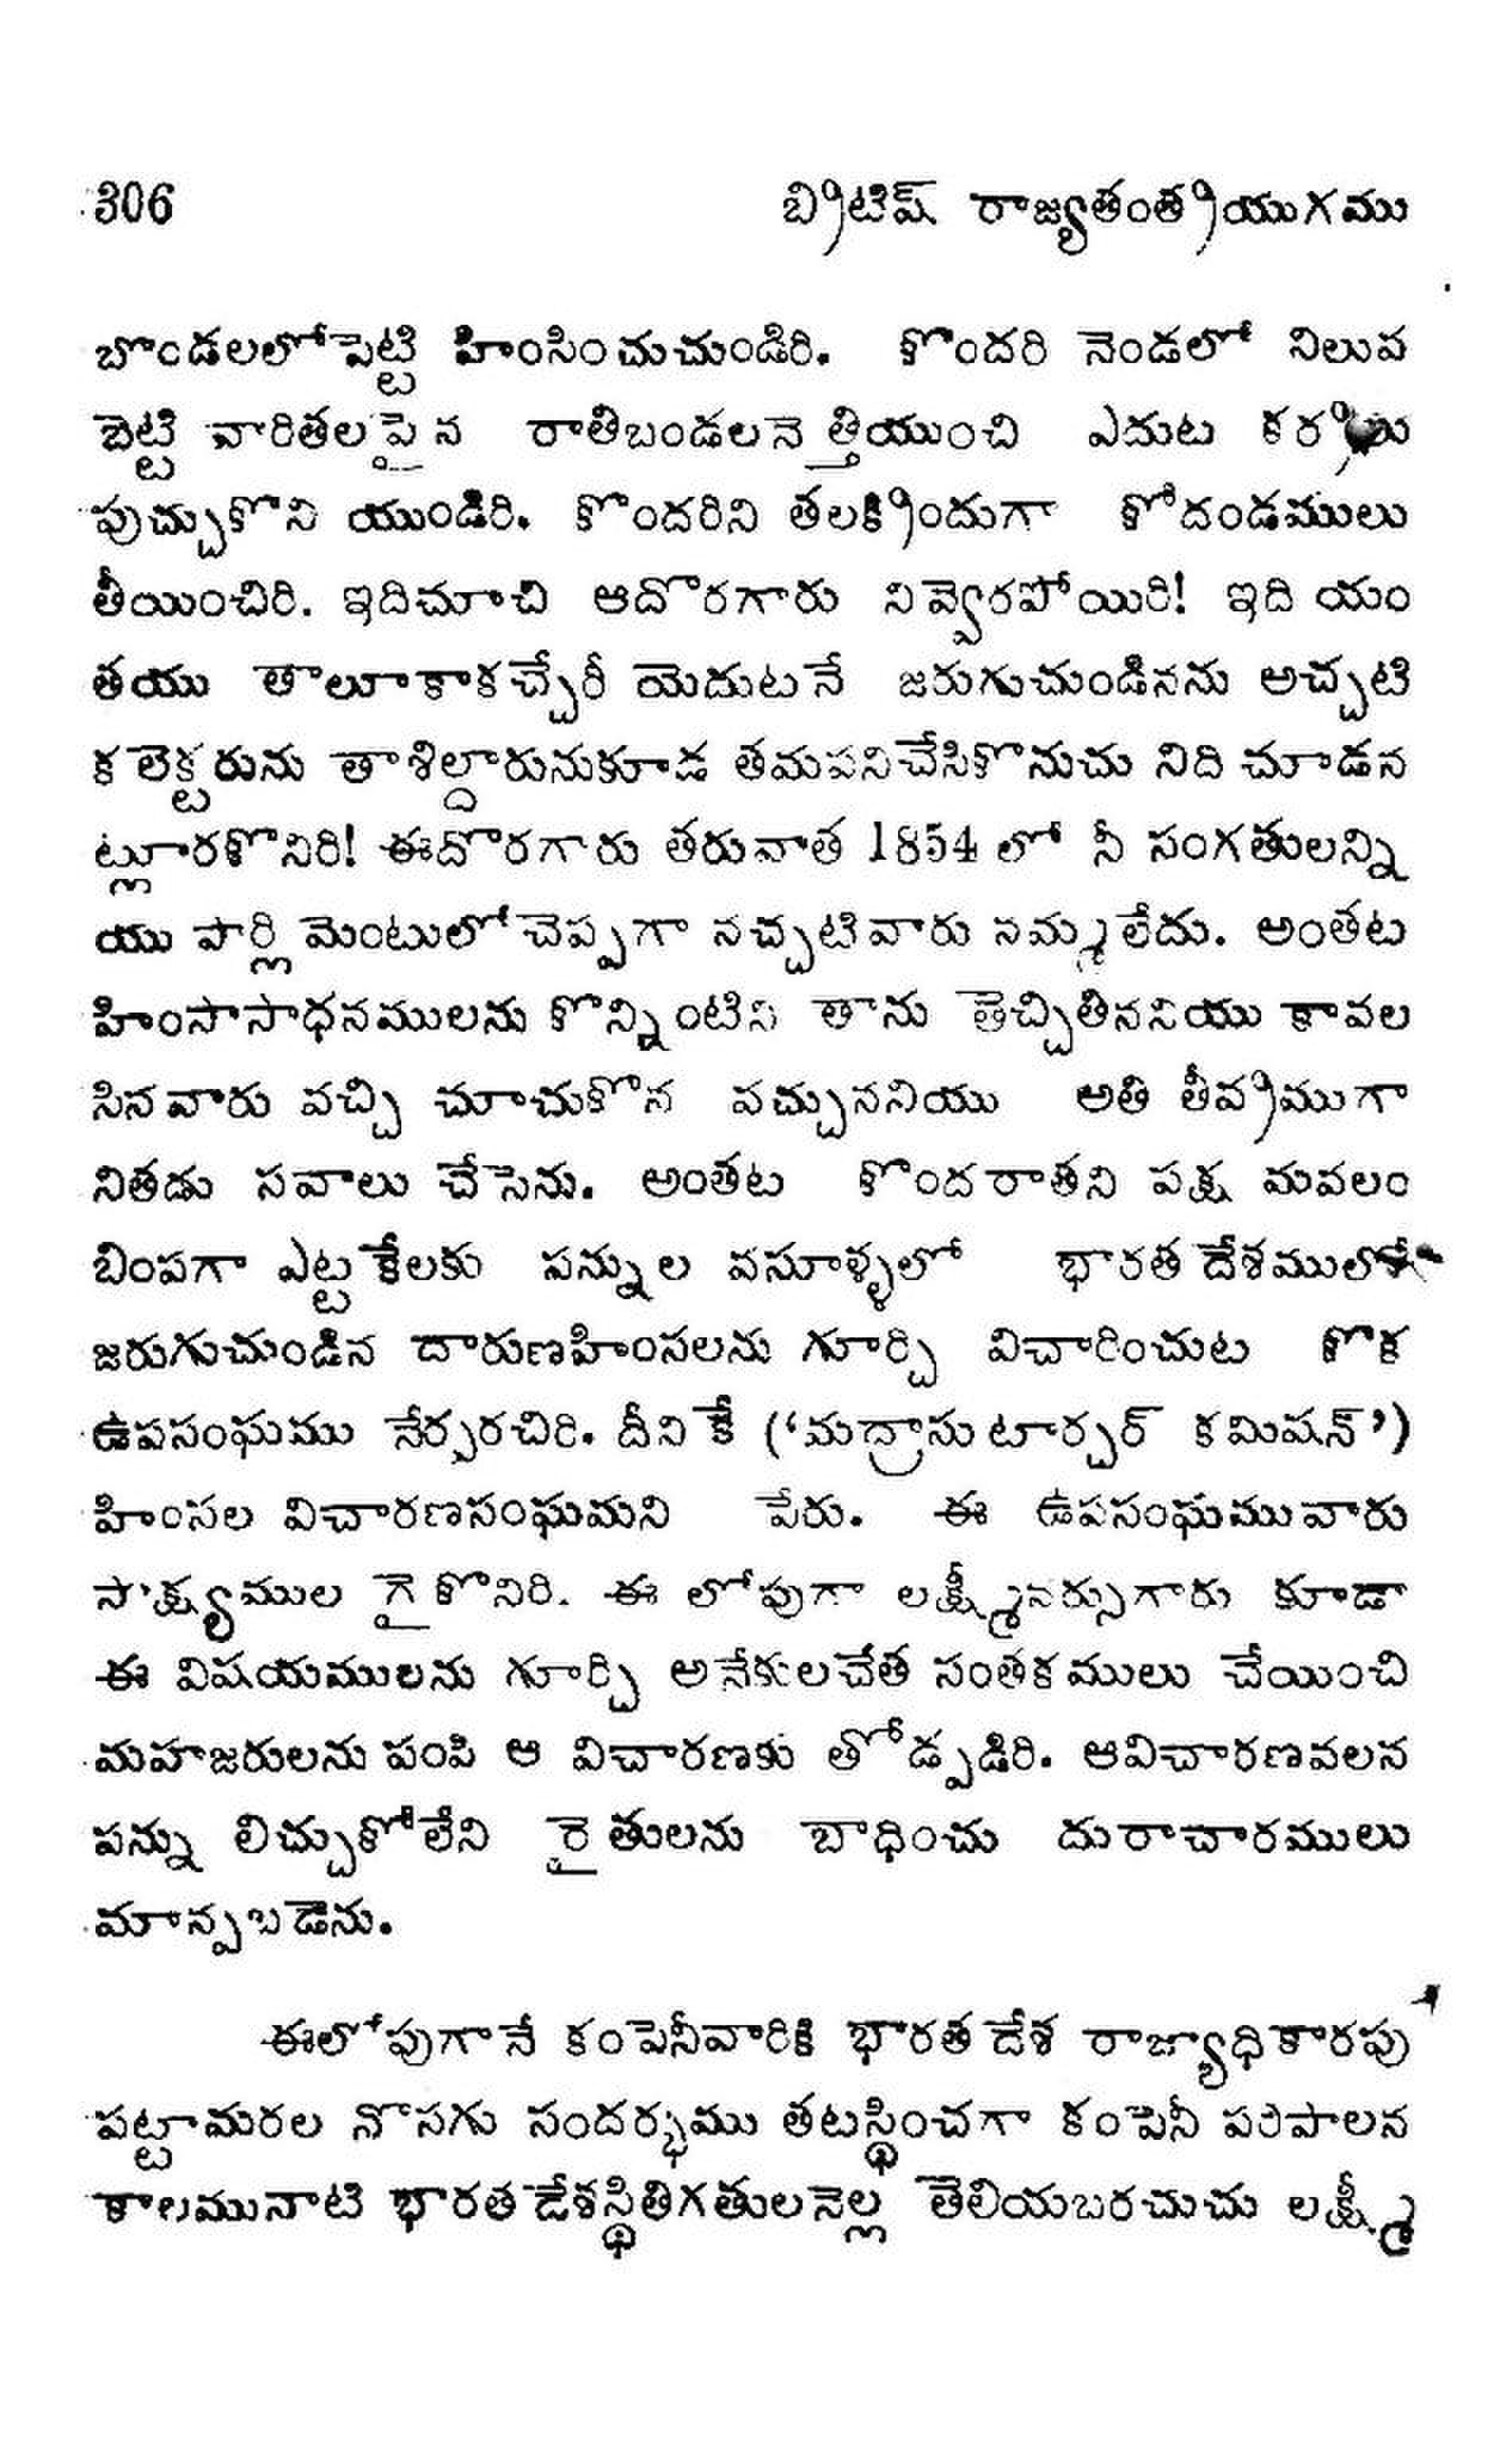బొండలలోపెట్టి హింసించుచుండిరి. కొందరి నెండలో నిలువబెట్టి వారితలపైన రాతిబండల నెత్తియుంచి ఎదుట కర్రలు పుచ్చుకొని యుండిరి. కొందరిని తలక్రిందుగా కోదండములు తీయించిరి. ఇదిచూచి ఆదొరగారు నివ్వెరపోయిరి! ఇది యంతయు తాలూకాకచ్చేరీ యెదుటనే జరుగుచుండినను అచ్చటి కలెక్టరును తాశిల్దారునుకూడ తమపనిచేసికొనుచు నిది చూడనట్లూరకొనిరి! ఈదొరగారు తరువాత 1854 లో నీ సంగతులన్నియు పార్లిమెంటులో చెప్పగా నచ్చటివారు నమ్మలేదు. అంతట హింసాసాధనములను కొన్నింటిని తాను తెచ్చితిననియు కావలసినవారు వచ్చి చూచుకొన వచ్చుననియు అతి తీవ్రముగా నితడు సవాలు చేసెను. అంతట కొందరాతని పక్ష మవలంబింపగా ఎట్టకేలకు పన్నుల వసూళ్ళలో భారతదేశములో జరుగుచుండిన దారుణహింసలను గూర్చి విచారించుట కొక ఉపసంఘము నేర్చరచిరి. దీనికే ('మద్రాసు టార్చర్ కమిషన్ ') హింసల విచారణసంఘమని పేరు. ఈ ఉపసంఘమువారు సాక్ష్యముల గైకొనిరి. ఈ లోపుగా లక్ష్మీనర్సుగారు కూడా ఈ విషయములను గూర్చి అనేకులచేత సంతకములు చేయించి మహజరులను పంపి ఆ విచారణకు తోడ్పడిరి. ఆవిచారణవలన పన్ను లిచ్చుకోలేని రైతులను బాధించు దురాచారములు మాన్పబడెను.

ఈలోపుగానే కంపెనీవారికి భారతదేశ రాజ్యాధికారపు పట్టా మరల నొసగు సందర్భము తటస్థించగా కంపెనీ పరిపాలన కాలమునాటి భారత దేశస్థితిగతులనెల్ల తెలియబరచుచు లక్ష్మీ